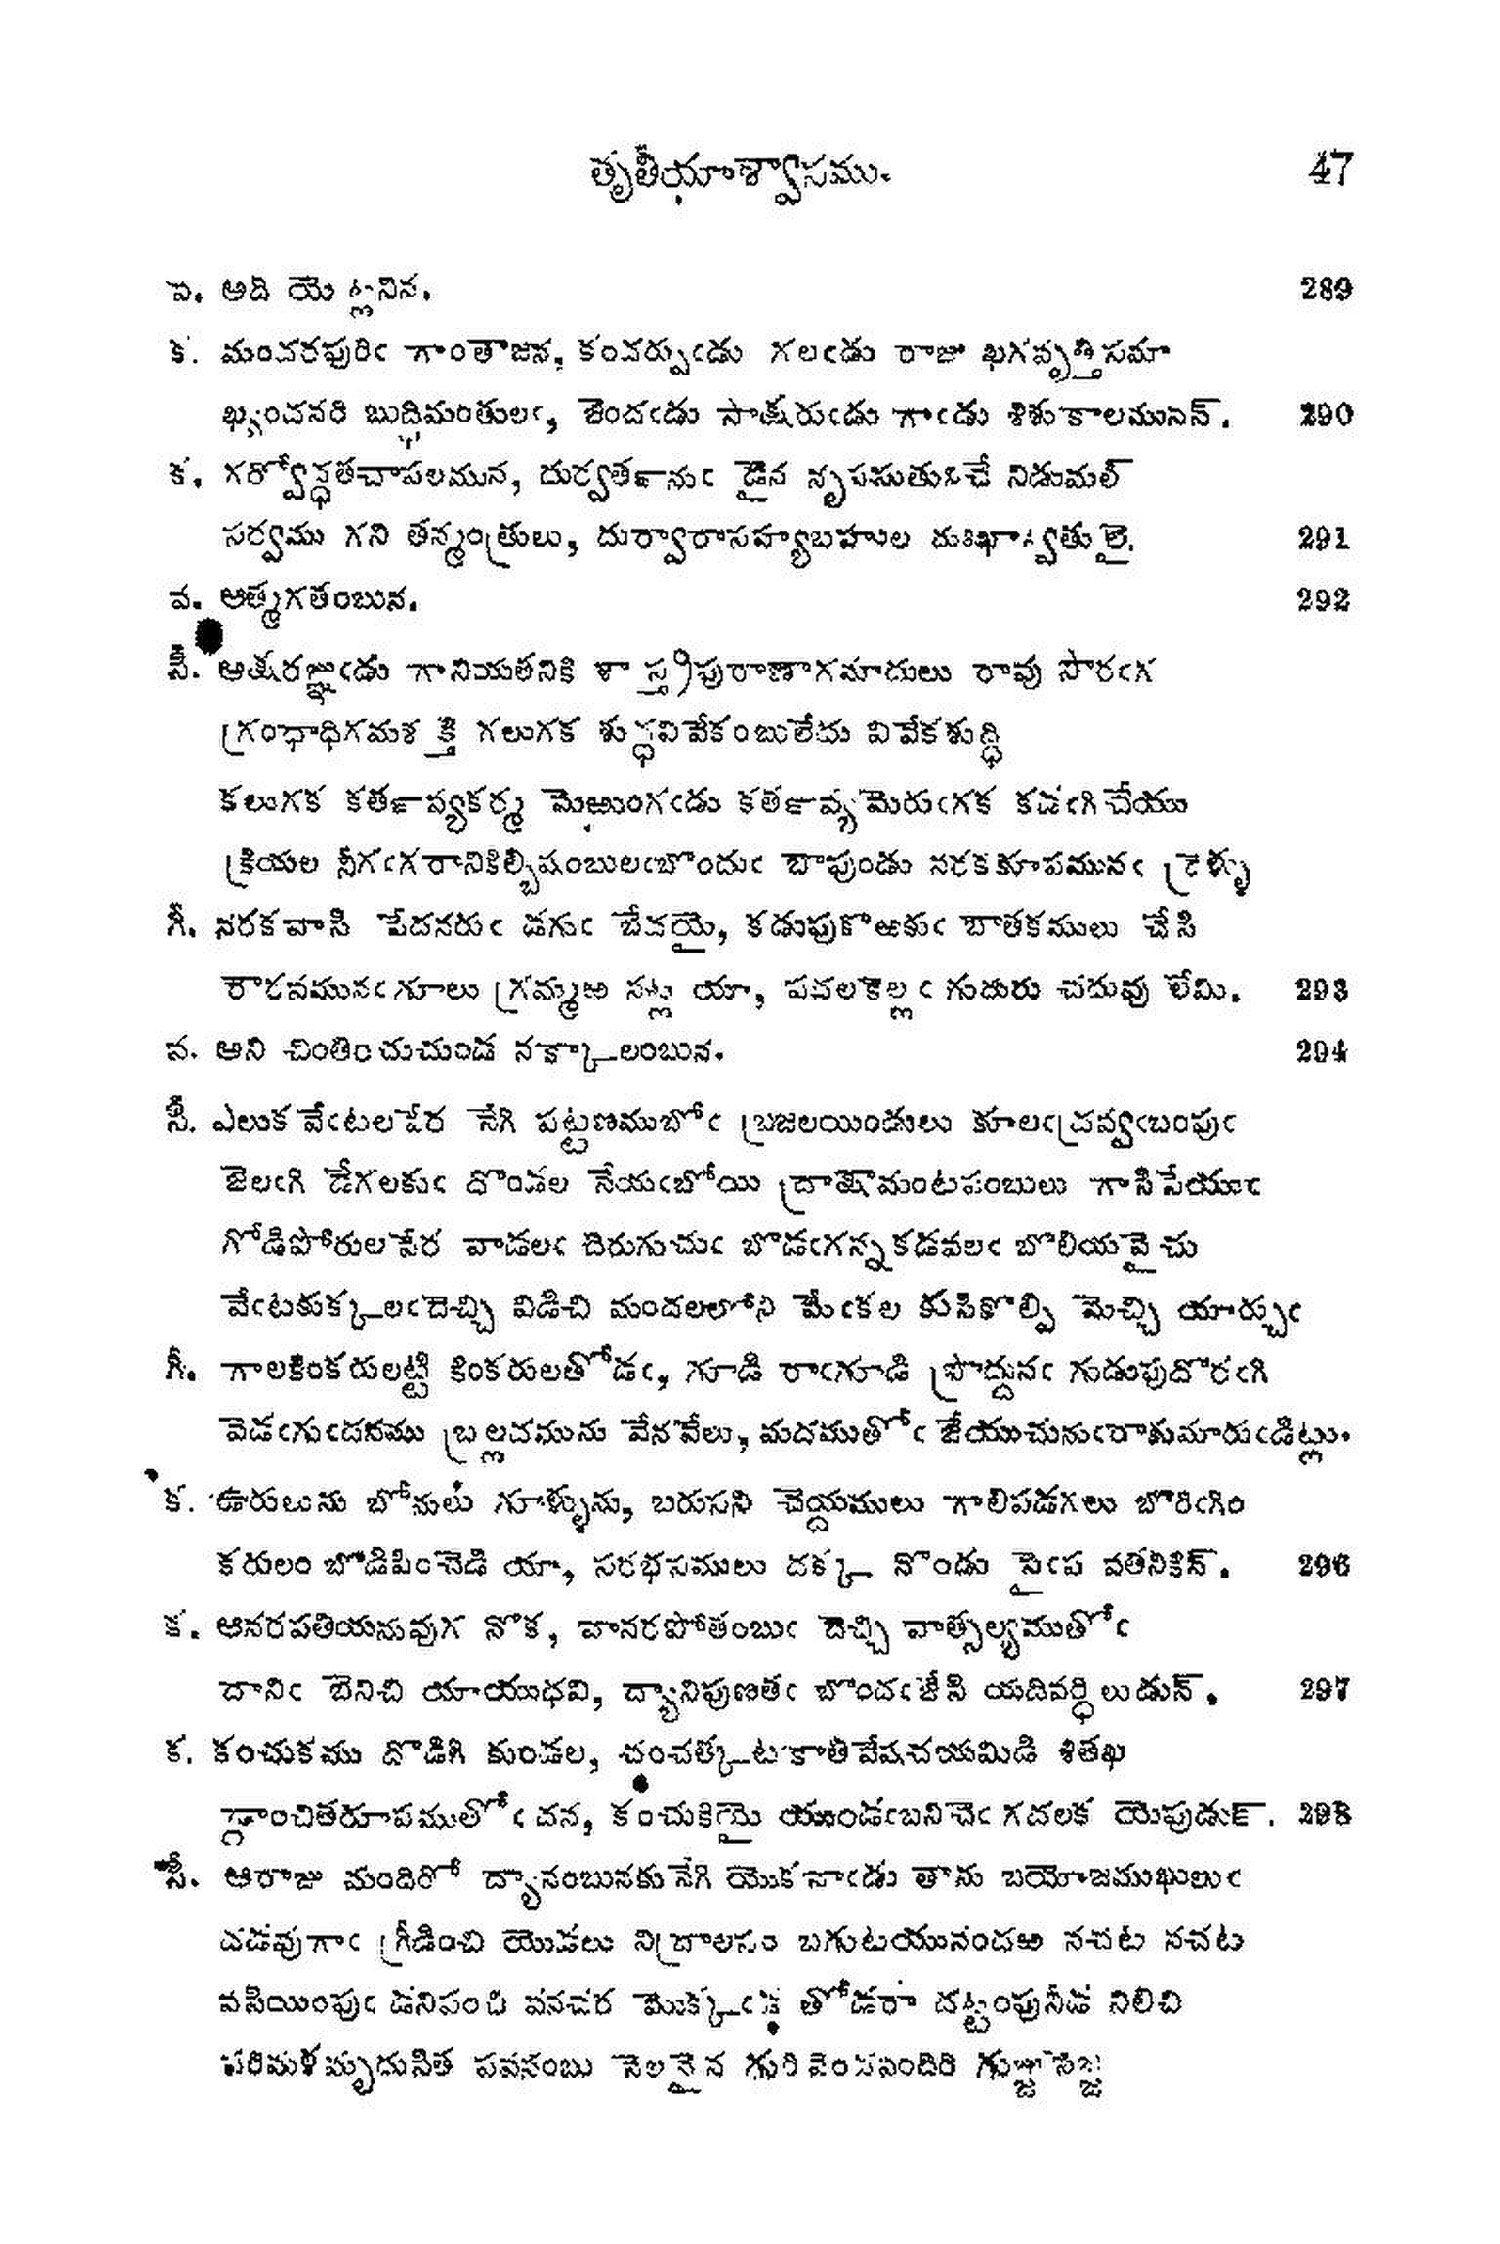వ. అది యె ట్లనిన.
క. మందరపురిఁ గాంతాజన, కందర్పుఁడు గలఁడు రాజు ఖగవృత్తిసమా
 ఖ్యం దనరి బుద్ధిమంతుల, జెందఁడు సాక్షరుఁడు గాఁడు శిశుకాలమునన్.
క. గర్వోద్ధతచాపలమున, దుర్వర్తనుఁ డైన నృపసుతునిచే నిడుమల్
 సర్వము గని తన్మంత్రులు, దుర్వారాసహ్యబహులదుఃఖాన్వితులై.
వ. ఆత్మగతంబున.
సీ. అక్షరజ్ఞుఁడు గానియతనికి శాస్త్రపురాణాగమాదులు రావు సొరఁగ
 గ్రంథాధిగమశక్తి గలుగక శుద్ధవివేకంబు లేదు వివేకశుద్ధి
 కలుగక కర్తవ్యకర్మ మెఱుఁగఁడు కర్తవ్య మెరుఁగక కడఁగిచేయు
 క్రియల నీగఁగరానికిల్బిషంబులఁ బొందుఁ బాపుండు నరకకూపమునఁ ద్రెళ్ళు
గీ. నరకవాసి పేదనరుఁ డగుఁ బేదయై, కడుపుకొఱకుఁ బాతకములు చేసి
 రౌరవమునఁ గూలు గ్రమ్మఱ నట్ల యా, పదలకెల్లఁ గుదురు చదువులేమి.
వ. అని చింతించుచుండ నక్కాలంబున.
సీ. ఎలుకవేఁటలపేర నేగి పట్టణముబోఁ బ్రజలయిండులు కూలఁద్రవ్వఁబంపు
 జెలఁగి డేగలకుఁ దొండల నేయఁబోయి ద్రాక్షామంటపంబులు గాసిసేయుఁ
 గోడిపోరులపేర వాడలఁ దిరుగుచుఁ బొడఁగన్నకడవలఁ బొలియవైచు
 వేఁటకుక్కలఁ దెచ్చి విడిచి మందలలోని మేఁకల కుసికొల్పి మెచ్చి యార్చుఁ
గీ. గాలకింకరులట్టి కింకరులతోడఁ, గూడి రాఁగూడి ప్రొద్దునఁ గుడుపుదొరఁగి
 వెడఁగుఁదనము బ్రల్లదమును వేనవేలు, మదముతోఁ జేయుచునుఁ రాకుమారుఁ డిట్లు.
క. ఉరులును బోనులు గూళ్ళును, బరుసని చెయ్దములు గాలిపడగలు బొరిఁగిం
 కరులం బొడిపించెడి యా, సరభసములు దక్క నొండు సైఁప వతనికిన్.
క. ఆనరపతి యనువుగ నొక, వానరపోతంబుఁ దెచ్చి వాత్సల్యముతో
 దానిఁ బెనిచి యాయుధవి, ద్యానిపుణతఁ బొందఁ జేసి యది వర్ధిలుడున్.
క. కంచుకము దొడిగి కుండల, చంచత్కటకాతివేషచయ మిడి శితఖ
 డ్గాంచితరూపముతోఁ దన, కంచుకియై యుండఁబనిచెఁ గదలక యెపుడున్.
సీ. ఆరాజు మందిరోద్యానంబునకు నేగి యొకనాఁడు తాను బయోజముఖులుఁ
 దడవుగాఁ గ్రీడించి యొడలు నిద్రాలసం బగుటయు నందఱ నచట నచట
 వసియింపుఁ డని పంచి వనచర మొక్కఁడ తోడరా దట్టంపునీడ నిలిచి
 పరిమళమృదుసితపవనంబు నెలవైన గురివెందపందిరి గుజ్జుసెజ్జ